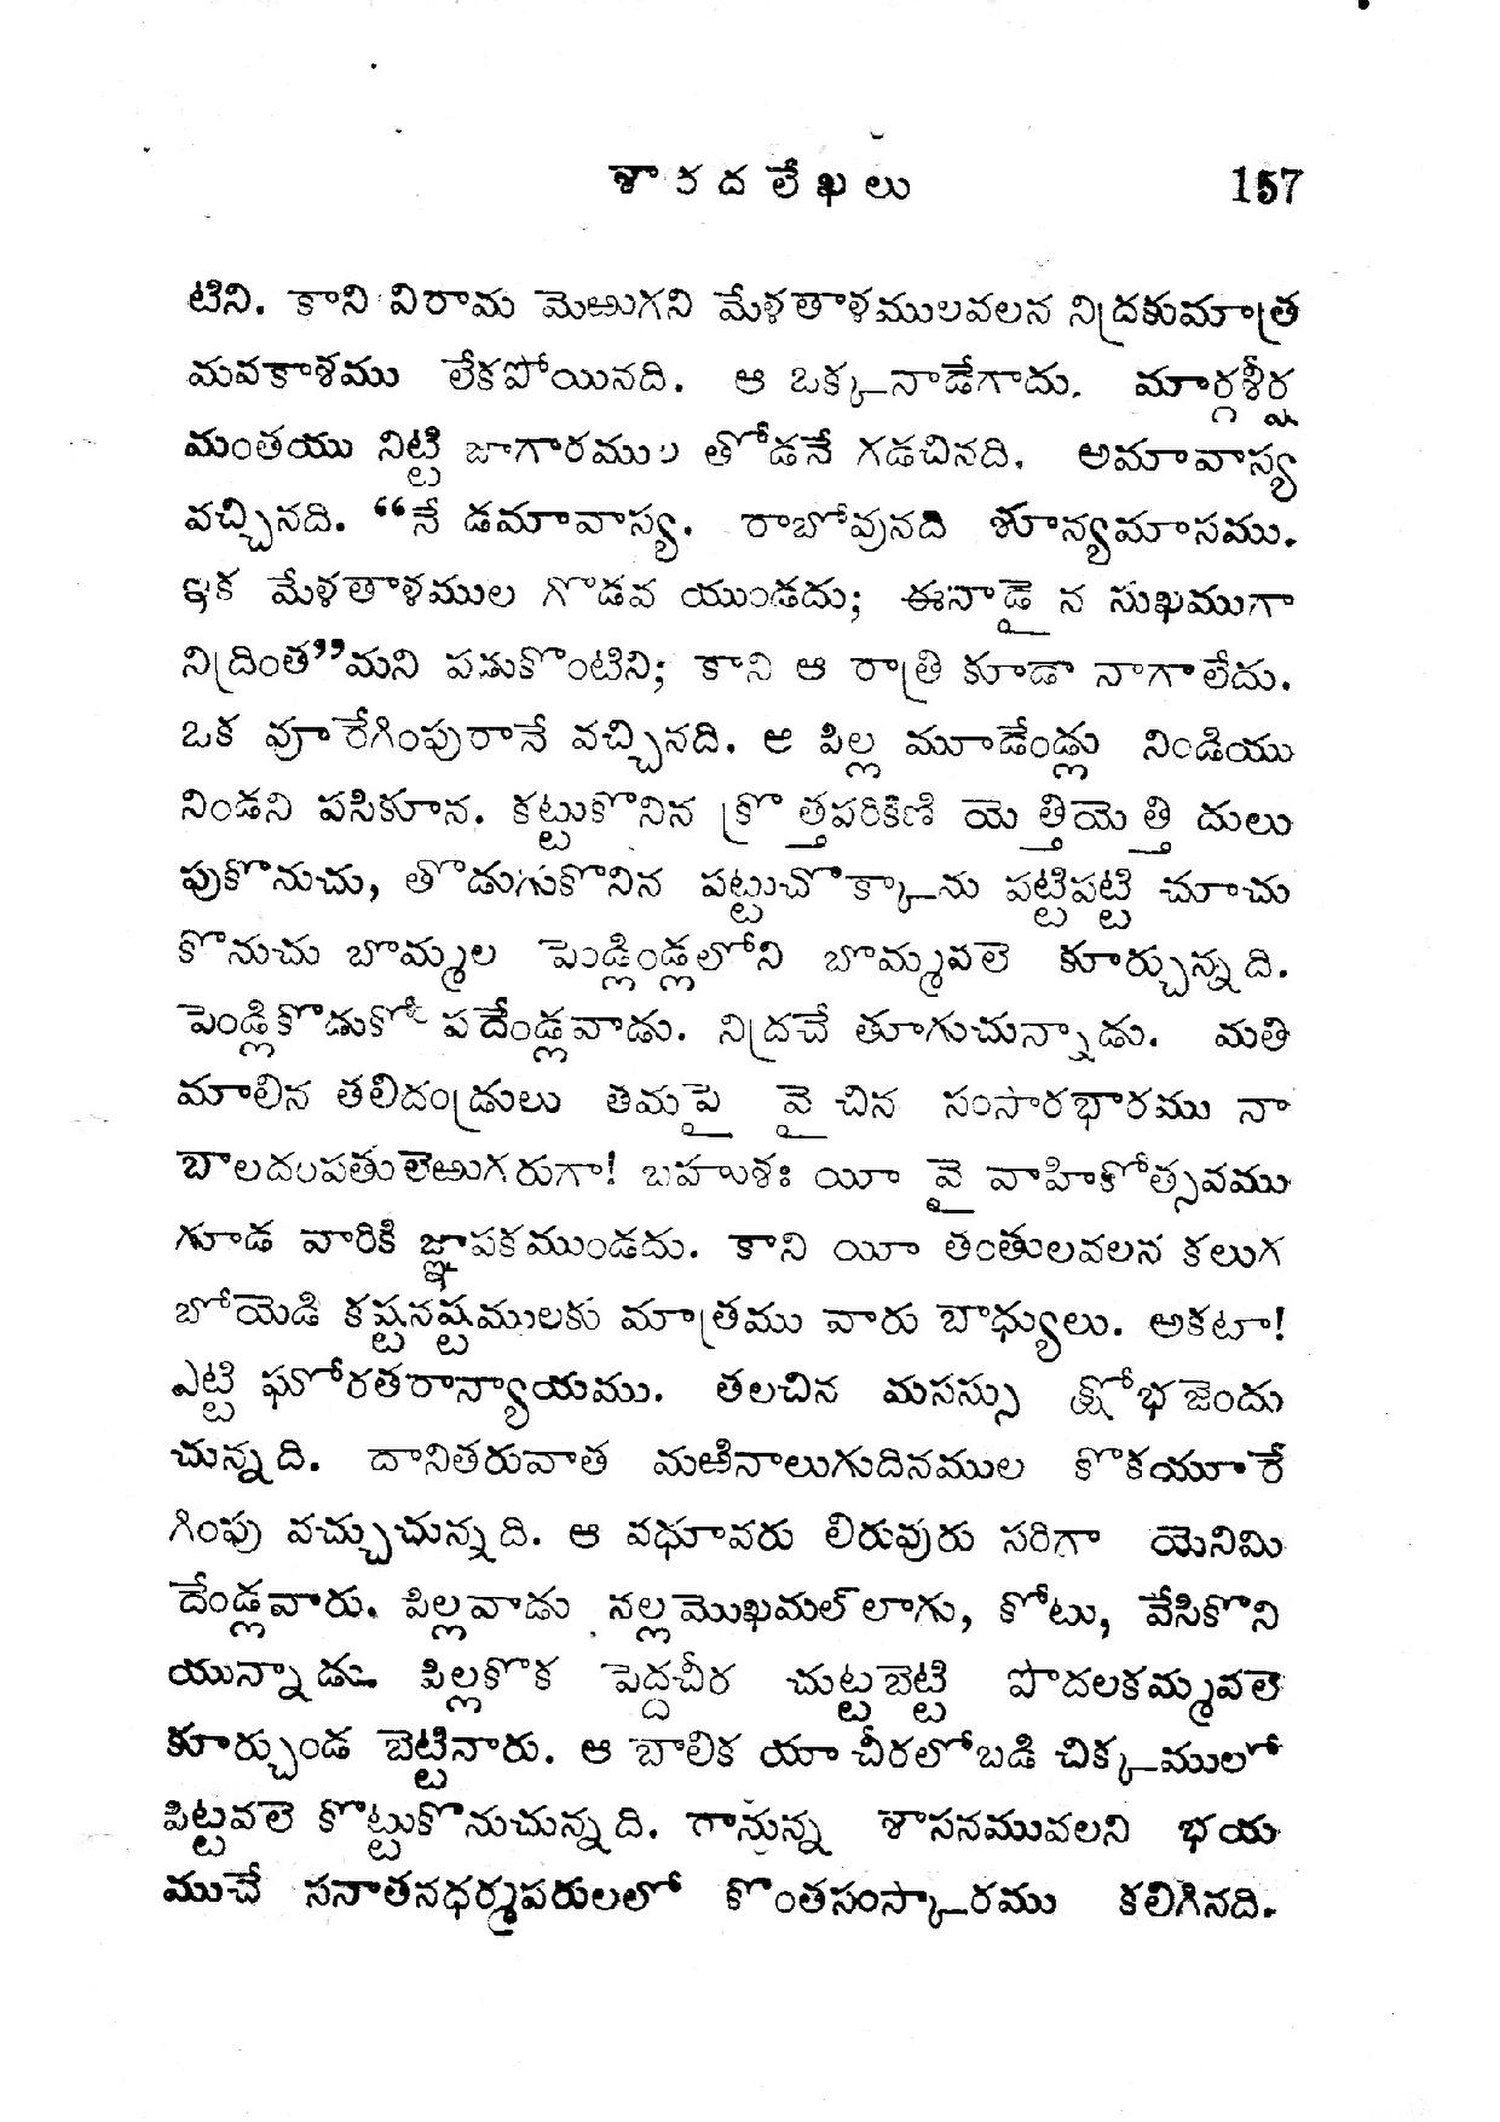టిని. కాని విరామ మెఱుగని మేళతాళములవలన నిద్రకుమాత్రమవకాశము లేకపోయినది. ఆ ఒక్కనాడేగాదు. మార్గశీర్ష మంతయు నిట్టి జాగారముల తోడనే గడచినది. అమావాస్య వచ్చినది. “నే డమావాస్య. రాబోవునది శూన్యమాసము. ఇక మేళతాళముల గొడవ యుండదు; ఈనాడైన సుఖముగా
నిద్రింత”మని పడుకొంటిని; కాని ఆ రాత్రి కూడా నాగాలేదు. ఒక వూరేగింపురానే వచ్చినది. ఆ పిల్ల మూడేండ్లు నిండియు నిండని పసికూన. కట్టుకొనిన క్రొత్తపరికిణి యెత్తియెత్తి దులుపుకొనుచు, తొడుగుకొనిన పట్టుచొక్కాను పట్టిపట్టి చూచుకొనుచు బొమ్మల పెండ్లిండ్లలోని బొమ్మవలె కూర్చున్నది. పెండ్లికొడుకో పదేండ్లవాడు. నిద్రచే తూగుచున్నాడు. మతిమాలిన తలిదండ్రులు తమపై వైచిన సంసారభారము నా
బాలదంపతులెఱుగరుగా! బహుశః యీ వైవాహికోత్సవము గూడ వారికి జ్ఞాపకముండదు. కాని యీ తంతులవలన కలుగబోయెడి కష్టనష్టములకు మాత్రము వారు బాధ్యులు. అకటా! ఎట్టి ఘోరతరాన్యాయము. తలచిన మసస్సు క్షోభజెందుచున్నది. దానితరువాత మఱినాలుగుదినముల కొకయూరేగింపు వచ్చుచున్నది. ఆ వధూవరు లిరువురు సరిగా యెనిమిదేండ్లవారు. పిల్లవాడు నల్లమొఖమల్‌లాగు, కోటు, వేసికొని యున్నాడు. పిల్లకొక పెద్దచీర చుట్టబెట్టి పొదలకమ్మవలె కూర్చుండ బెట్టినారు. ఆ బాలిక యా చీరలోబడి చిక్కములో పిట్టవలె కొట్టుకొనుచున్నది. రానున్న శాసనమువలని భయముచే సనాతనధర్మపరులలో కొంతసంస్కారము కలిగినది.